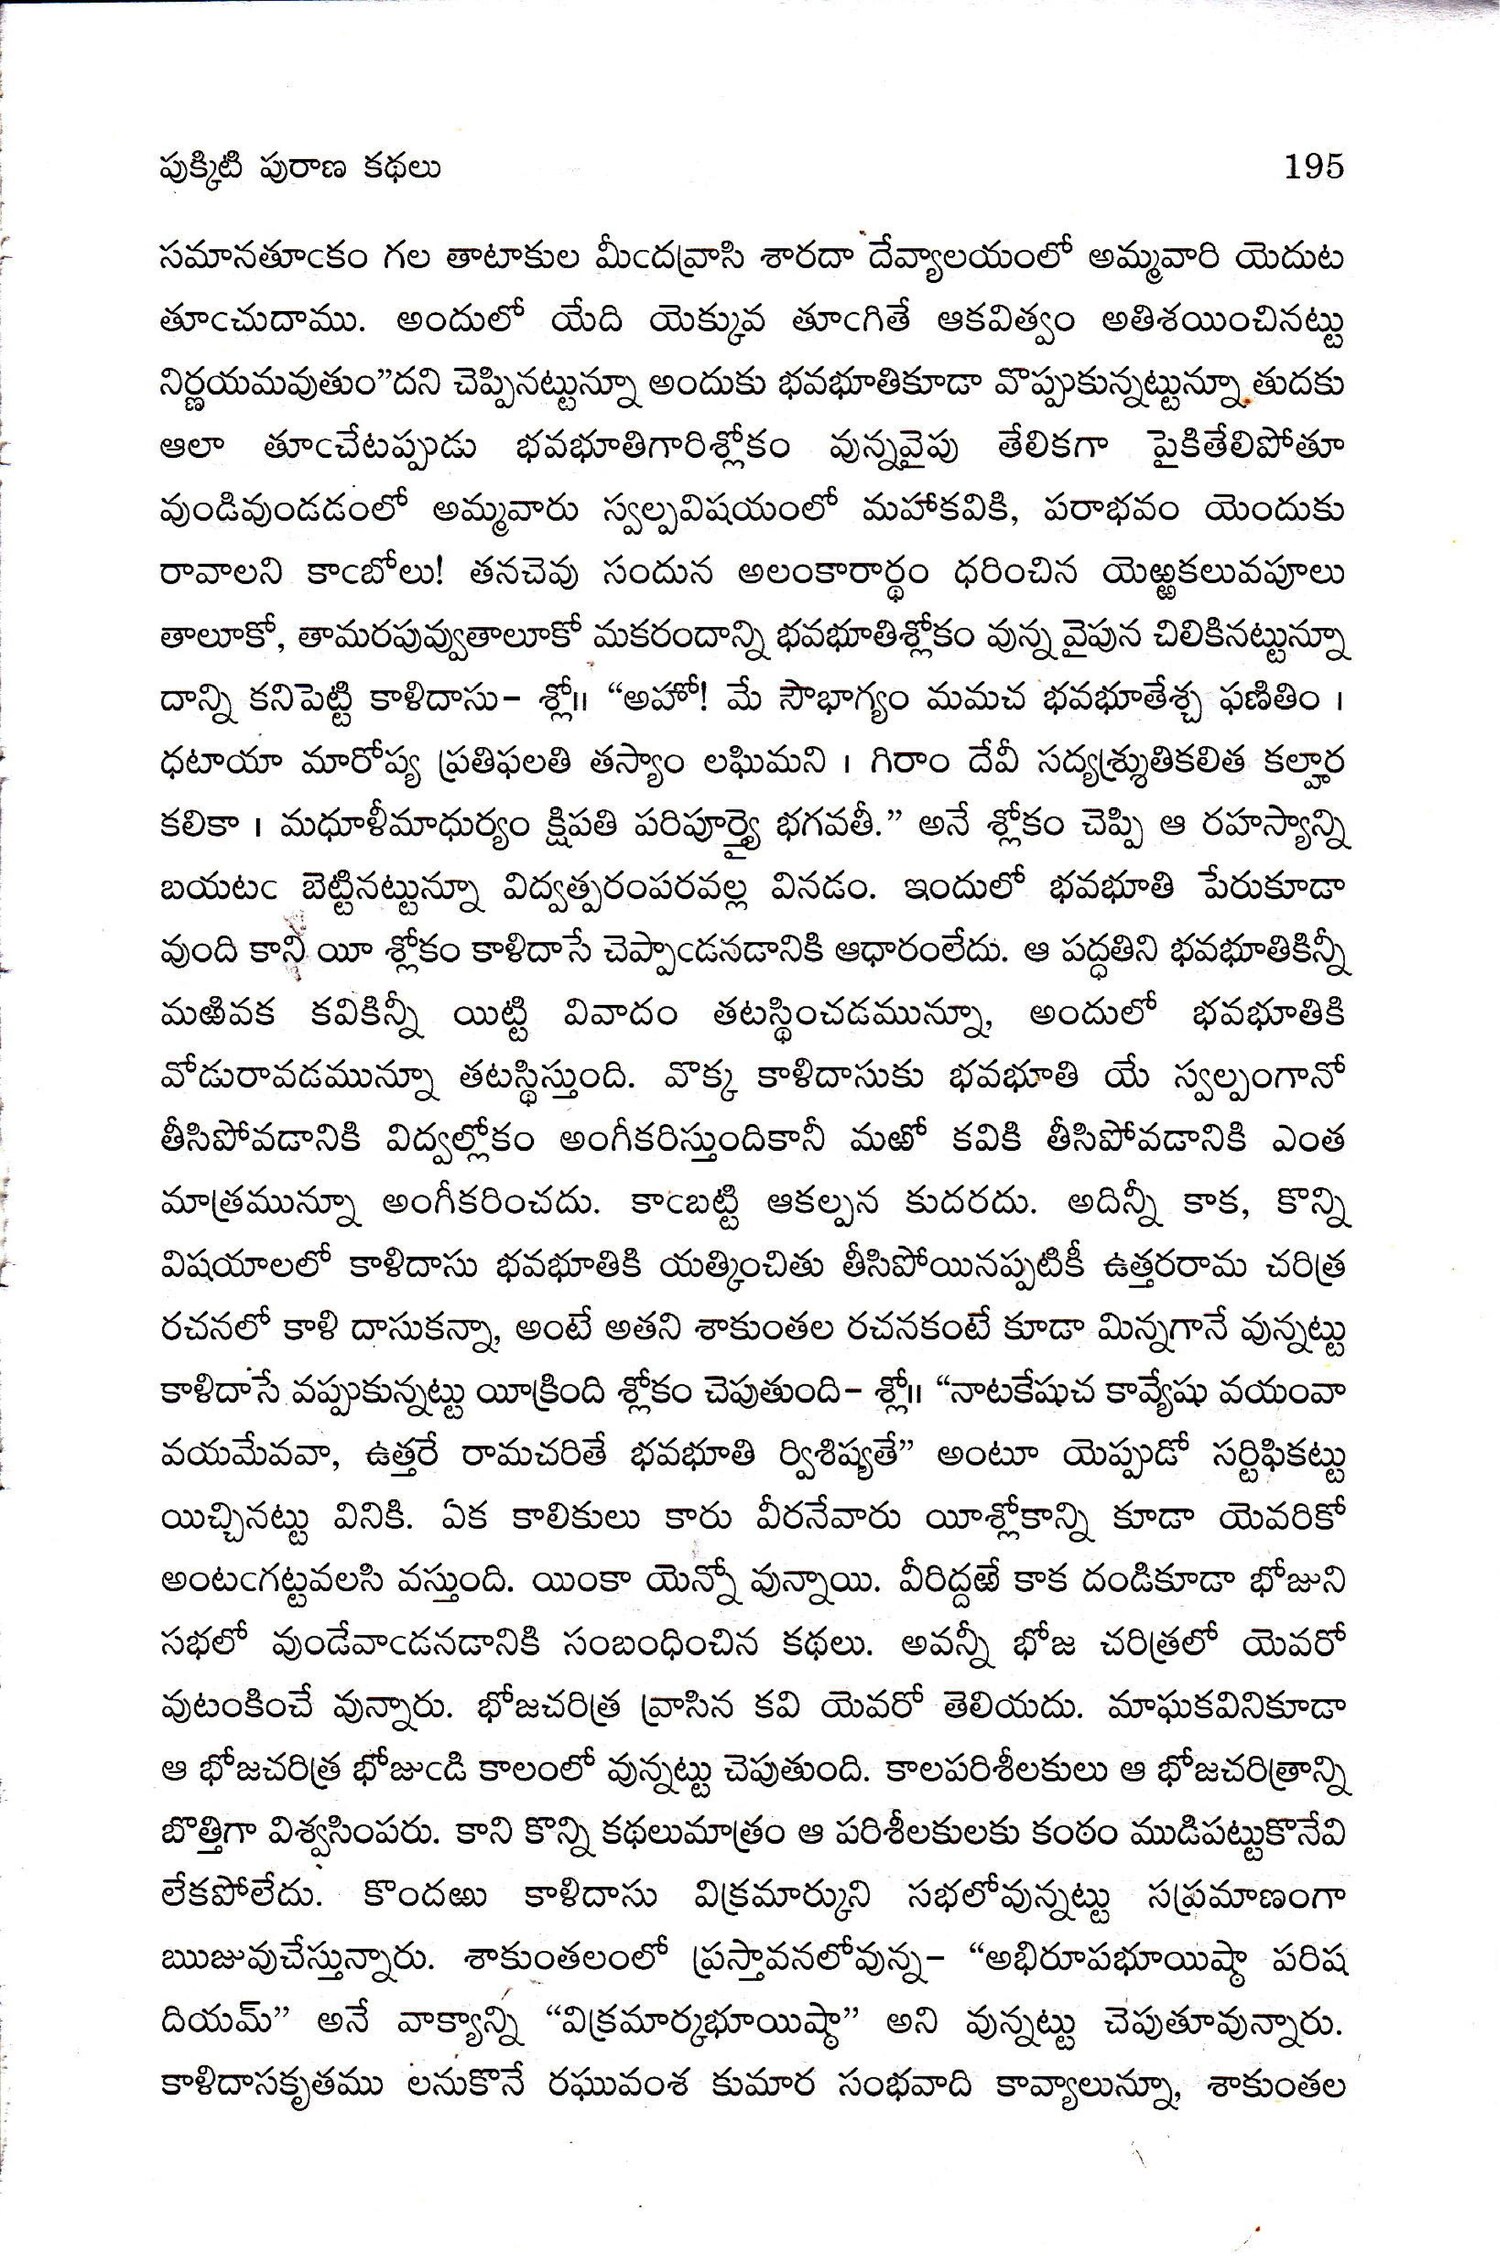సమానతూఁకం గల తాటాకుల మీఁదవ్రాసి శారదాదేవ్యాలయంలో అమ్మవారి యెదుట తూఁచుదాము. అందులో యేది యెక్కువ తూఁగితే ఆకవిత్వం అతిశయించినట్టు నిర్ణయమవుతుం"దని చెప్పినట్టున్నూ అందుకు భవభూతికూడా వొప్పుకున్నట్టున్నూతుదకు ఆలా తూఁచేటప్పడు భవభూతిగారిశ్లోకం వున్నవైపు తేలికగా పైకితేలిపోతూ వుండివుండడంలో అమ్మవారు స్వల్పవిషయంలో మహాకవికి, పరాభవం యెందుకు రావాలని కాఁబోలు! తనచెవు సందున అలంకారార్థం ధరించిన యెఱ్ఱకలువపూలు తాలూకో, తామరపువ్వుతాలూకో మకరందాన్ని భవభూతిశ్లోకం వున్నవైపున చిలికినట్టున్నూ దాన్ని కనిపెట్టి కాళిదాసు- శ్లో "అహో! మే సౌభాగ్యం మమచ భవభూతేశ్చ ఫణితిం ధటాయా మారోప్య ప్రతిఫలతి తస్యాం లఘిమని | గిరాం దేవీ సద్యశ్శ్రుతికలిత కల్హార కలికా ! మధూళీమాధుర్యం క్షిపతి పరిపూర్త్యె భగవతీ..” అనే శ్లోకం చెప్పి ఆ రహస్యాన్ని బయటఁ బెట్టినట్టున్నూ విద్వత్పరంపరవల్ల వినడం. ఇందులో భవభూతి పేరుకూడా వుంది కానీ యీ శ్లోకం కాళిదాసే చెప్పాఁడనడానికి ఆధారంలేదు. ఆ పద్ధతిని భవభూతికిన్నీ మఱివక కవికిన్నీ యిట్టి వివాదం తటస్థించడమున్నూ, అందులో భవభూతికి వోడురావడమున్నూ తటస్థిస్తుంది. వొక్క కాళిదాసుకు భవభూతి యే స్వల్పంగానో తీసిపోవడానికి విద్వల్లోకం అంగీకరిస్తుందికానీ మఱో కవికి తీసిపోవడానికి ఎంత మాత్రమున్నూ అంగీకరించదు. కాఁబట్టి ఆకల్పన కుదరదు. అదిన్నీ కాక, కొన్ని విషయాలలో కాళిదాసు భవభూతికి యత్కించితు తీసిపోయినప్పటికీ ఉత్తరరామ చరిత్ర రచనలో కాళి దాసుకన్నా అంటే అతని శాకుంతల రచనకంటే కూడా మిన్నగానే వున్నట్టు కాళిదాసే వప్పుకున్నట్టు యీక్రింది శ్లోకం చెపుతుంది- శ్లో "నాటకేషుచ కావ్యేషు వయంవా వయమేవవా, ఉత్తరే రామచరితే భవభూతి ర్విశిష్యతే" అంటూ యెప్పుడో సర్టిఫికట్టు యిచ్చినట్టు వినికి. ఏక కాలికులు కారు వీరనేవారు యీశ్లోకాన్ని కూడా యెవరికో అంటగట్టవలసి వస్తుంది. యింకా యెన్నో వున్నాయి. వీరిద్దఱ్ఱే కాక దండికూడా భోజుని సభలో వుండేవాఁడనడానికి సంబంధించిన కథలు. అవన్నీ భోజ చరిత్రలో యెవరో వుటంకించే వున్నారు. భోజచరిత్ర వ్రాసిన కవి యెవరో తెలియదు. మాఘకవినికూడా ఆ భోజచరిత్ర భోజుఁడి కాలంలో వున్నట్టు చెపుతుంది. కాలపరిశీలకులు ఆ భోజచరిత్రాన్ని బొత్తిగా విశ్వసింపరు. కాని కొన్ని కథలుమాత్రం ఆ పరిశీలకులకు కంఠం ముడిపట్టుకొనేవి లేకపోలేదు. కొందఱు కాళిదాసు విక్రమార్కుని సభలోవున్నట్టు నప్రమాణంగా ఋజువుచేస్తున్నారు. శాకుంతలంలో ప్రస్తావనలోవున్న- "అభిరూపభూయిష్ఠా పరిషదియమ్” అనే వాక్యాన్ని “విక్రమార్కభూయిష్ఠా" అని వున్నట్టు చెపుతూవున్నారు. కాళిదాసకృతము లనుకొనే రఘువంశ కుమార సంభవాది కావ్యాలున్నూ, శాకుంతల